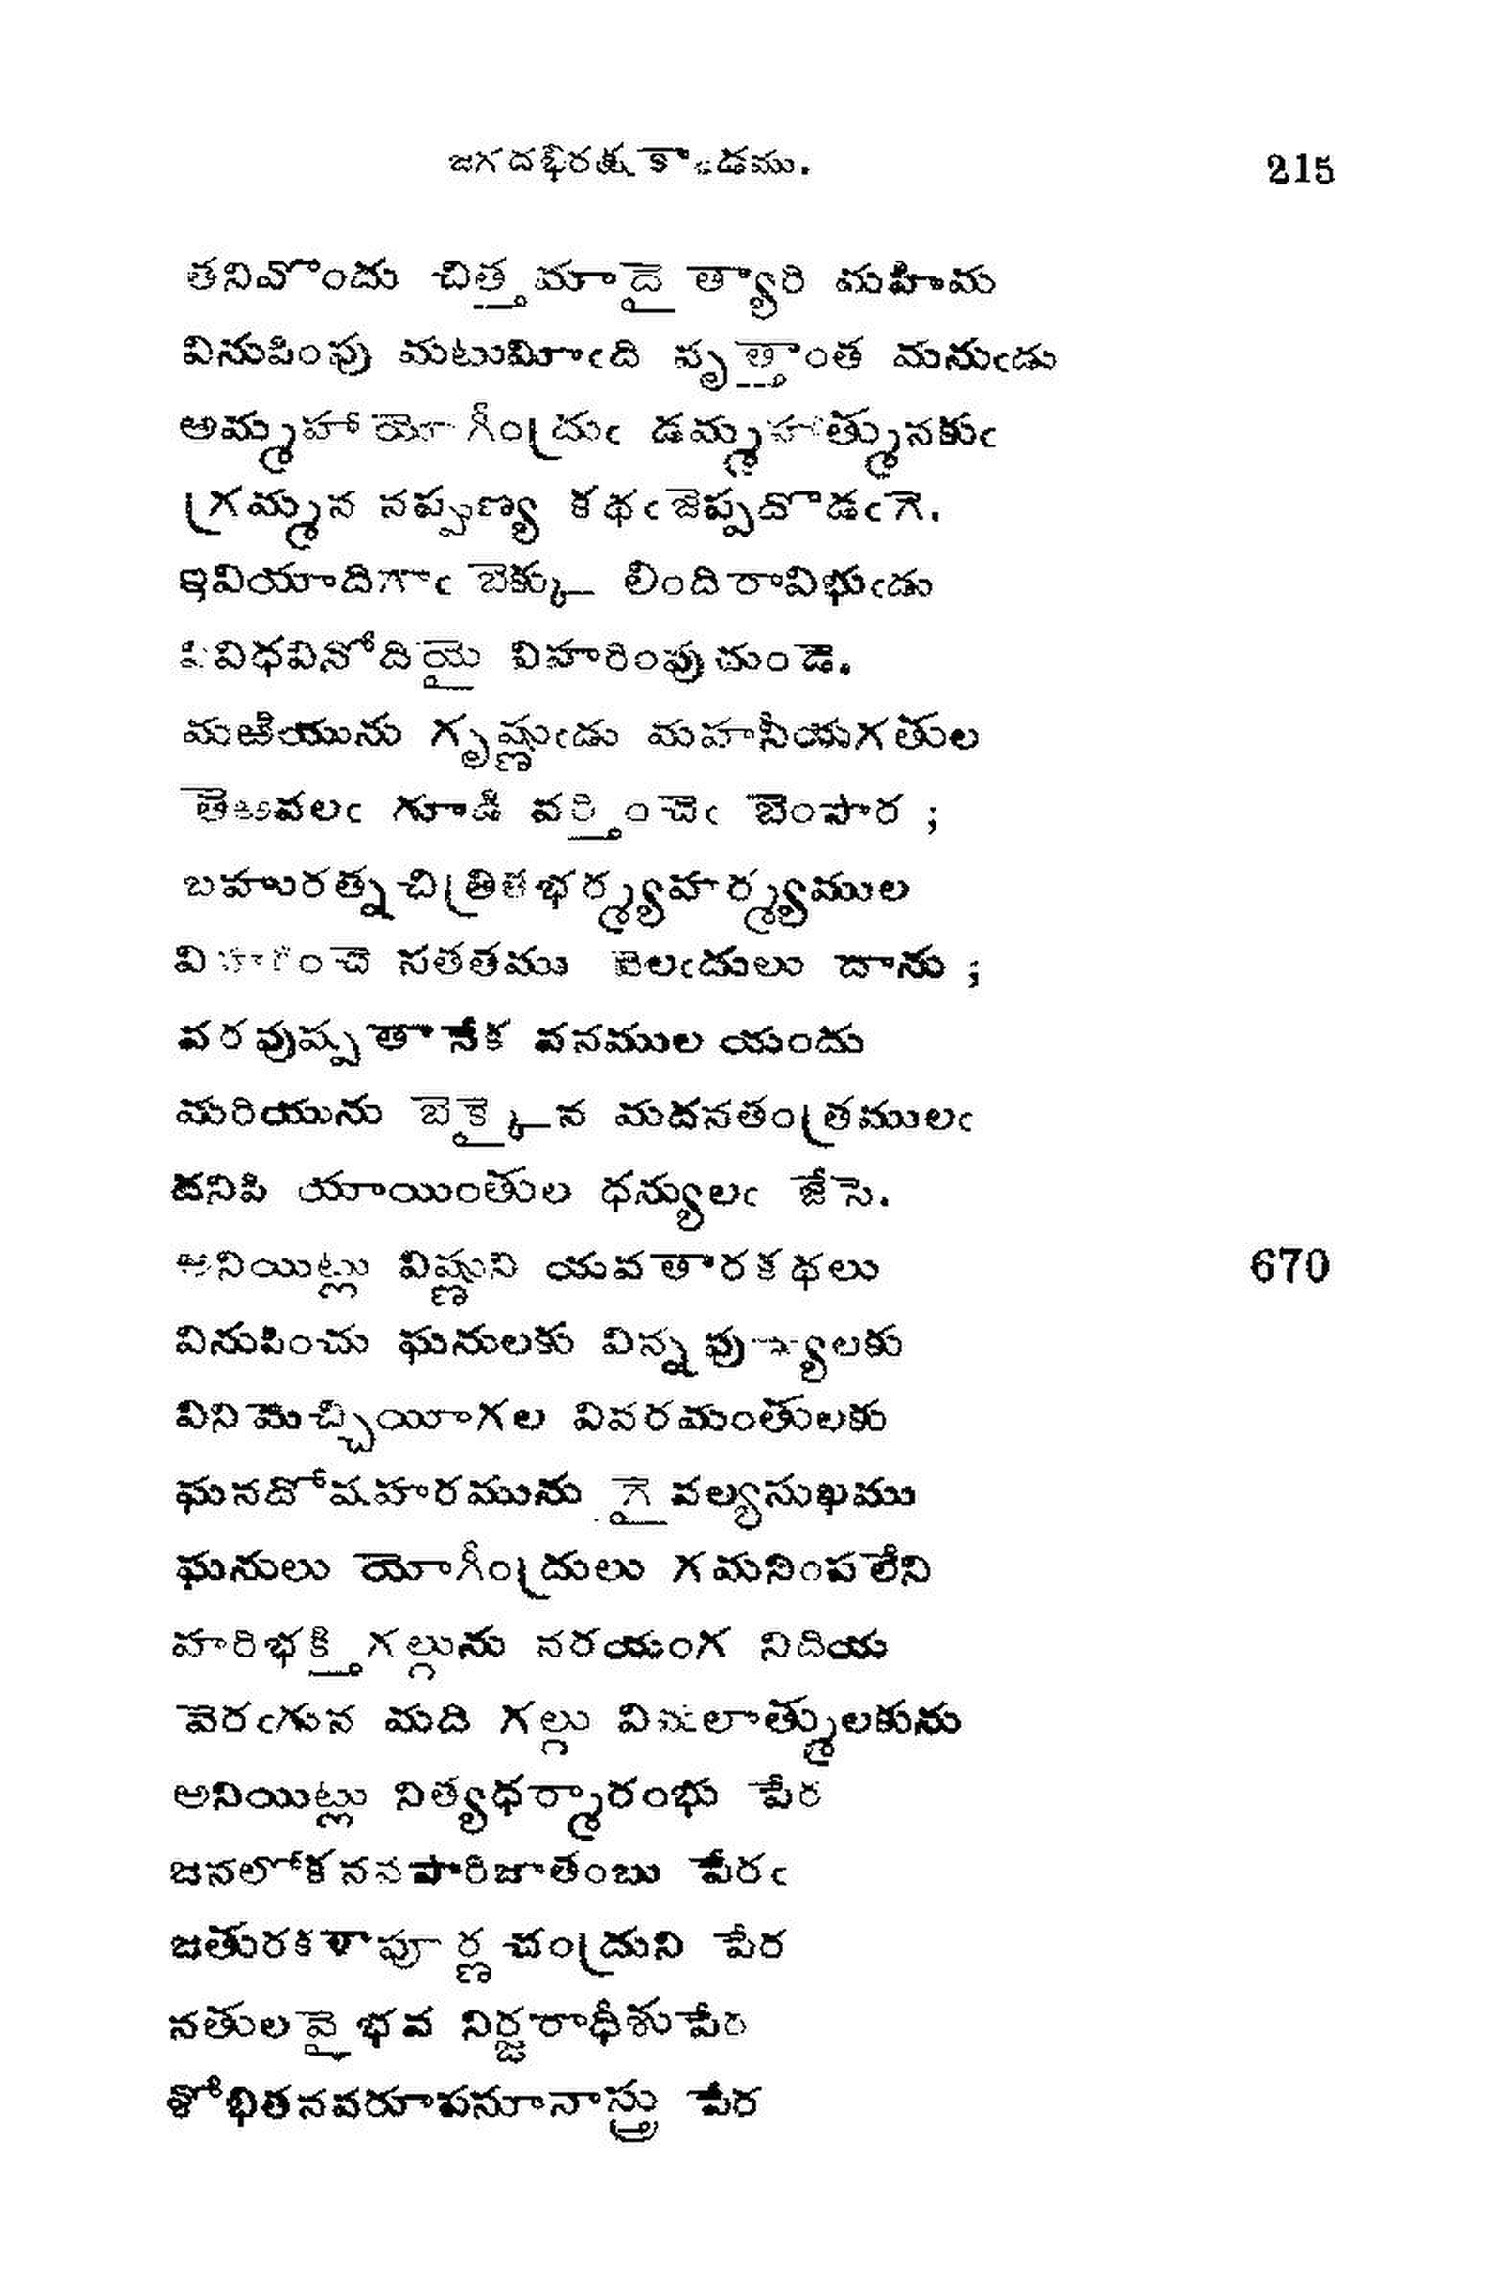తనివొందు చిత్తమాదైత్యారి మహిమ
వినుపింపు మటుమీఁది వృత్తాంత” మనుఁడు
అమ్మహాయోగీంద్రుఁ డమ్మహాత్మునకుఁ 
గ్రమ్మన నప్పుణ్యకథఁ జెప్పదొడఁగె. 
“ఇవియాదిగాఁ బెక్కు లిందిరావిభుఁడు
వివిధవినోదియై విహరింపుచుండె. 
మఱియును గృష్ణుఁడు మహనీయగతుల
తెఱవలఁగూడి వర్తించెఁ బెంపార; 
బహురత్నచిత్రితభర్మ్యహర్మ్యముల
విహరించె సతతము వెలఁదులు దాను; 
వరపుష్పతానేక వనముల యందు
మరియును బెక్కైన మదనతంత్రములఁ
దనిపి యాయింతుల ధన్యులఁ జేసె.” 
అనియిట్లు విష్ణుని యవతారకథలు
వినిపించు ఘనులకు విన్నపుణ్యులకు
వినిమెచ్చియీగల వివరమంతులకు
ఘనదోషహరమును గైవల్యసుఖము
ఘనులు యోగీంద్రులు గమనింపలేని
హరిభక్తి గల్గును నరయంగ నిదియ
వెరఁగున మది గల్గు విమలాత్ములకును
అని యిట్లు నిత్యధర్మారంభు పేర
జనలోకనవపారిజాతంబు పేరఁ
జతురకళాపూర్ణచంద్రుని పేర
నతులవైభవనిర్జరాధీశు పేర
శోభితనవరూపనూనాస్త్రు పేర